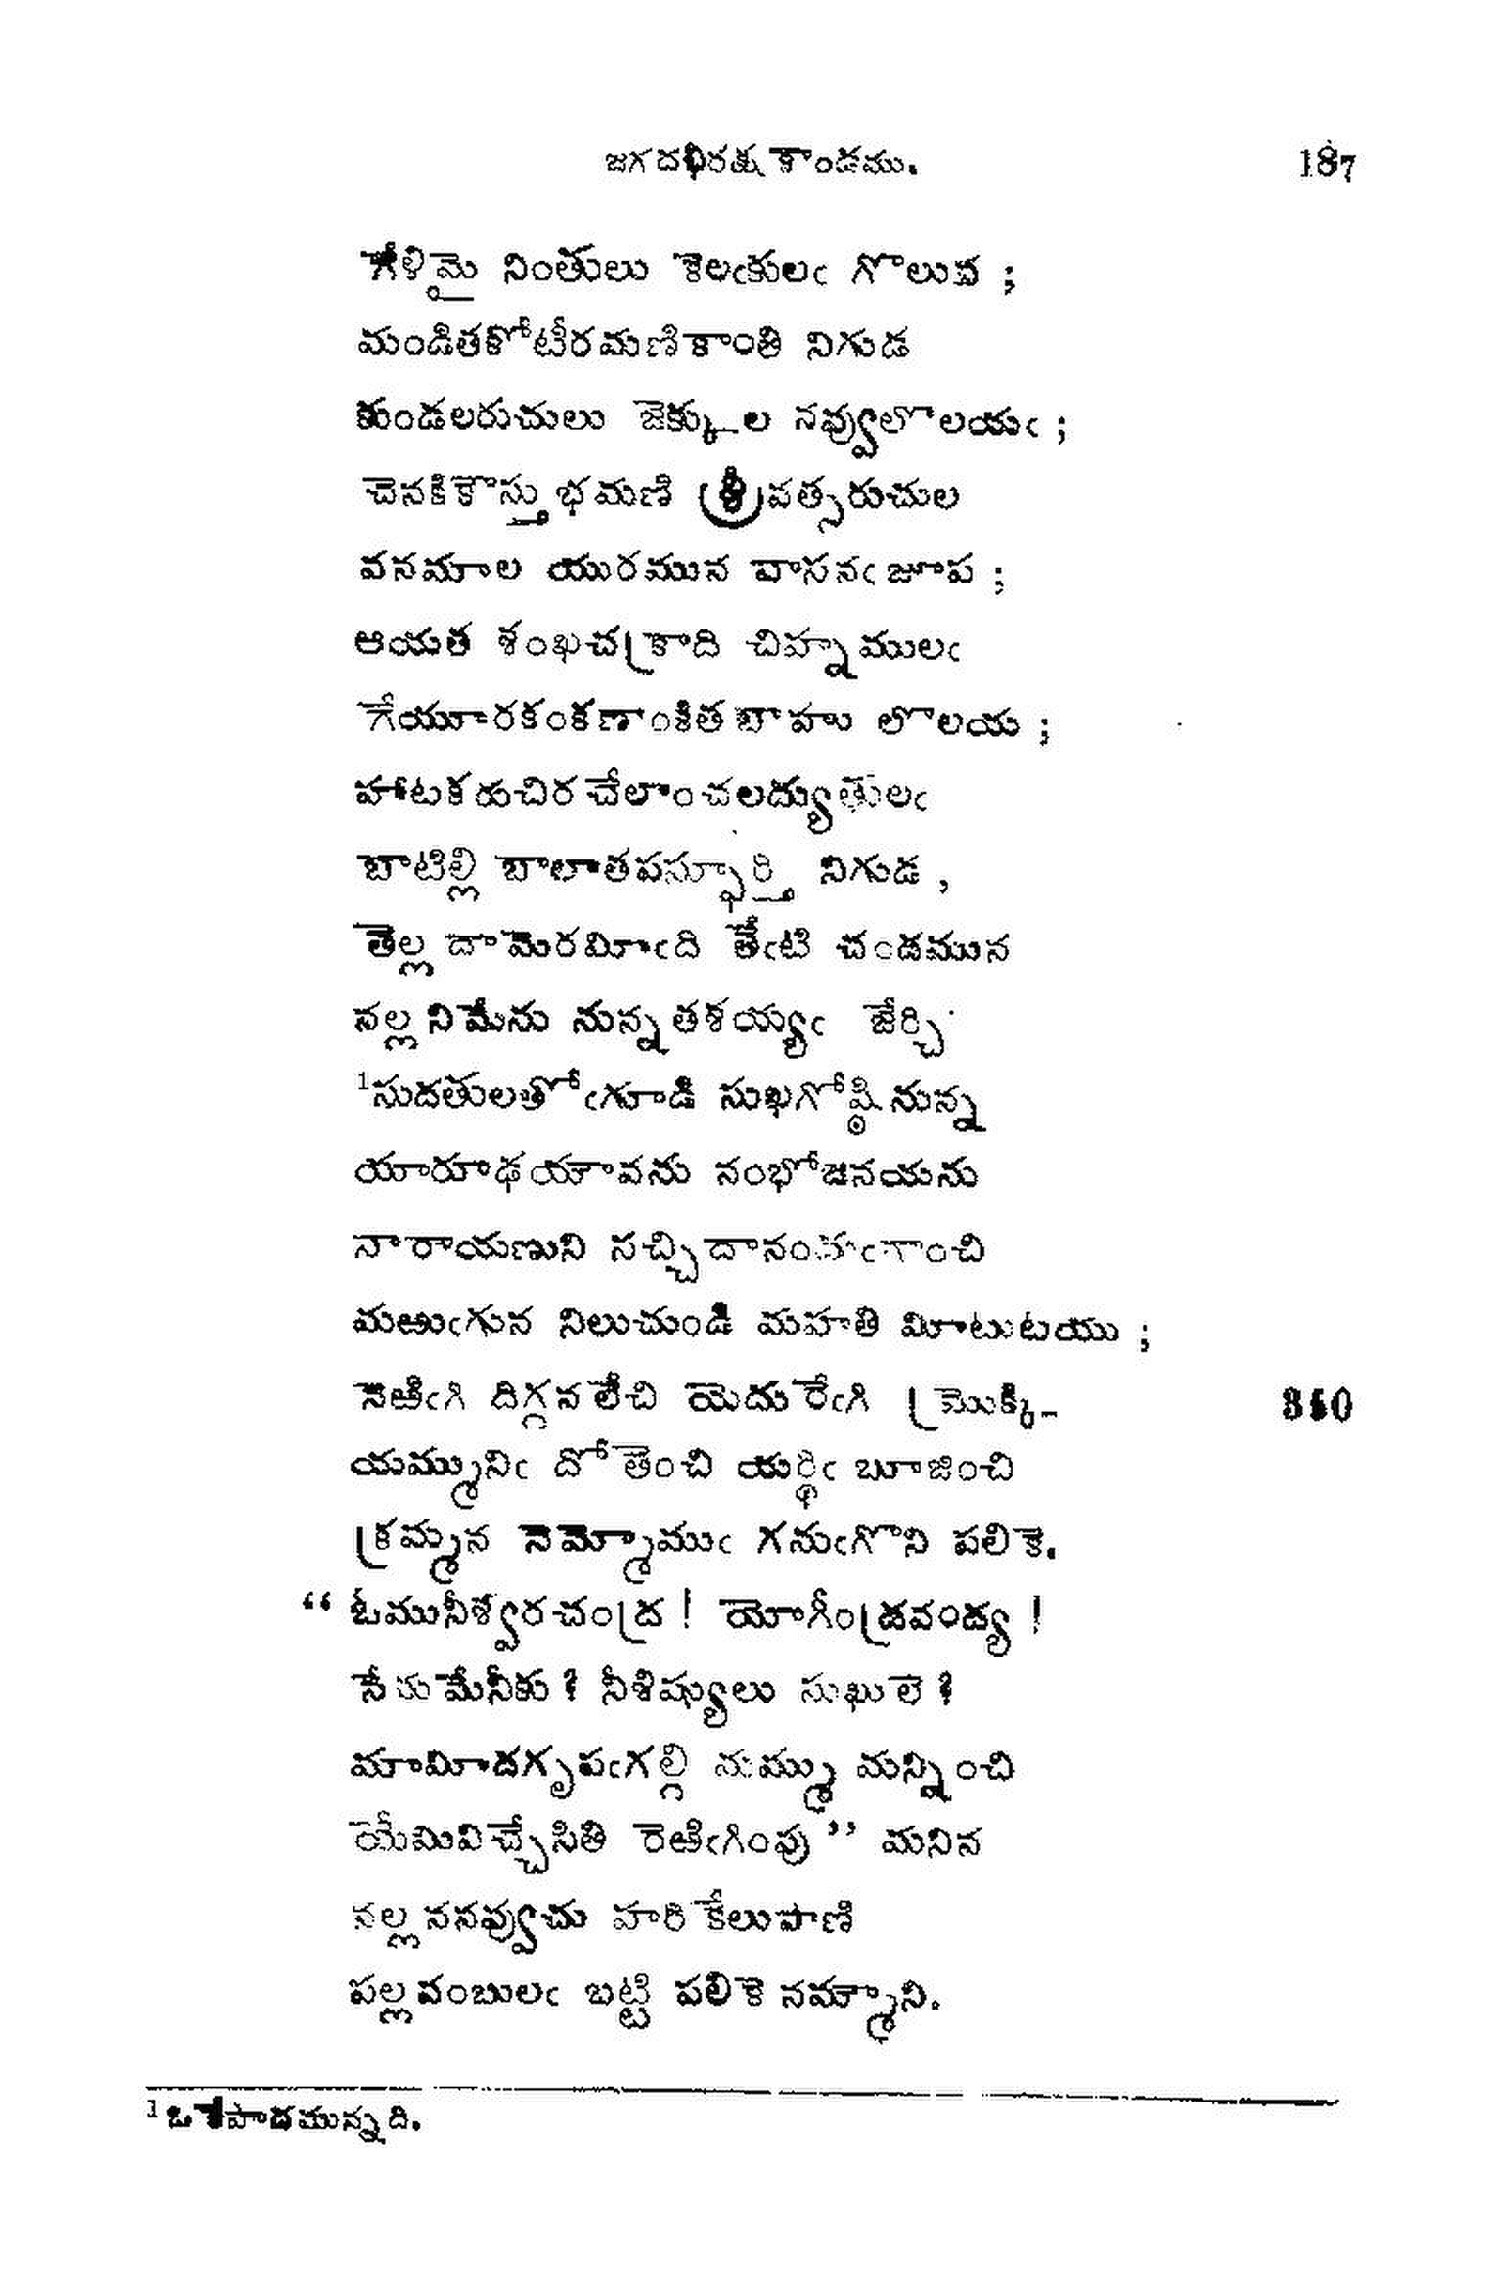గేళిమై నింతులు కెలఁకులఁ గొలువ; 
మండితకోటీరమణికాంతి నిగుడ
కుండలరుచులు జెక్కుల నవ్వులొలయఁ; 
చెనకి కౌస్తుభమణి శ్రీవత్సరుచుల
వనమాల యురమున వాసనఁ జూప; 
ఆయత శంఖచక్రాది చిహ్నములఁ
గేయూరకంకణాంకితబాహు లొలయ; 
హాటకరుచిరచేలాంచలద్యుతులఁ
బాటిల్లి బాలాతపస్ఫూర్తి నిగుడ, 
తెల్లదామెరమీఁది తేఁటి చందమున
నల్లనిమేను నున్నతశయ్యఁ జేర్చి
సుదతులతోఁ గూడి సుఖగోష్ఠినున్న
యారూఢయౌవను నంభోజనయను
నారాయణుని సచ్చిదానందుఁగాంచి
మఱుఁగున నిలుచుండి మహతి మీటుటయు; 
నెఱిఁగి దిగ్గనలేచి యెదురేఁగి మ్రొక్కి
యమ్మునిఁ దోతెంచి యర్థిఁ బూజించి 
క్రమ్మన నెమ్మోముఁ గనుఁగొని పలికె. 
“ఓమునీశ్వరచంద్ర! యోగీంద్రవంద్య! 
సేమమేనీకు? నీశిష్యులు సుఖులె? 
మామీదగృపఁగల్గి మమ్ము మన్నించి
యేమివిచ్చేసితి రెఱిగింపు” మనిన
నల్లననవ్వుచు హరికేలుపాణి
పల్లవంబులఁబట్టి పలికె నమ్మౌని.